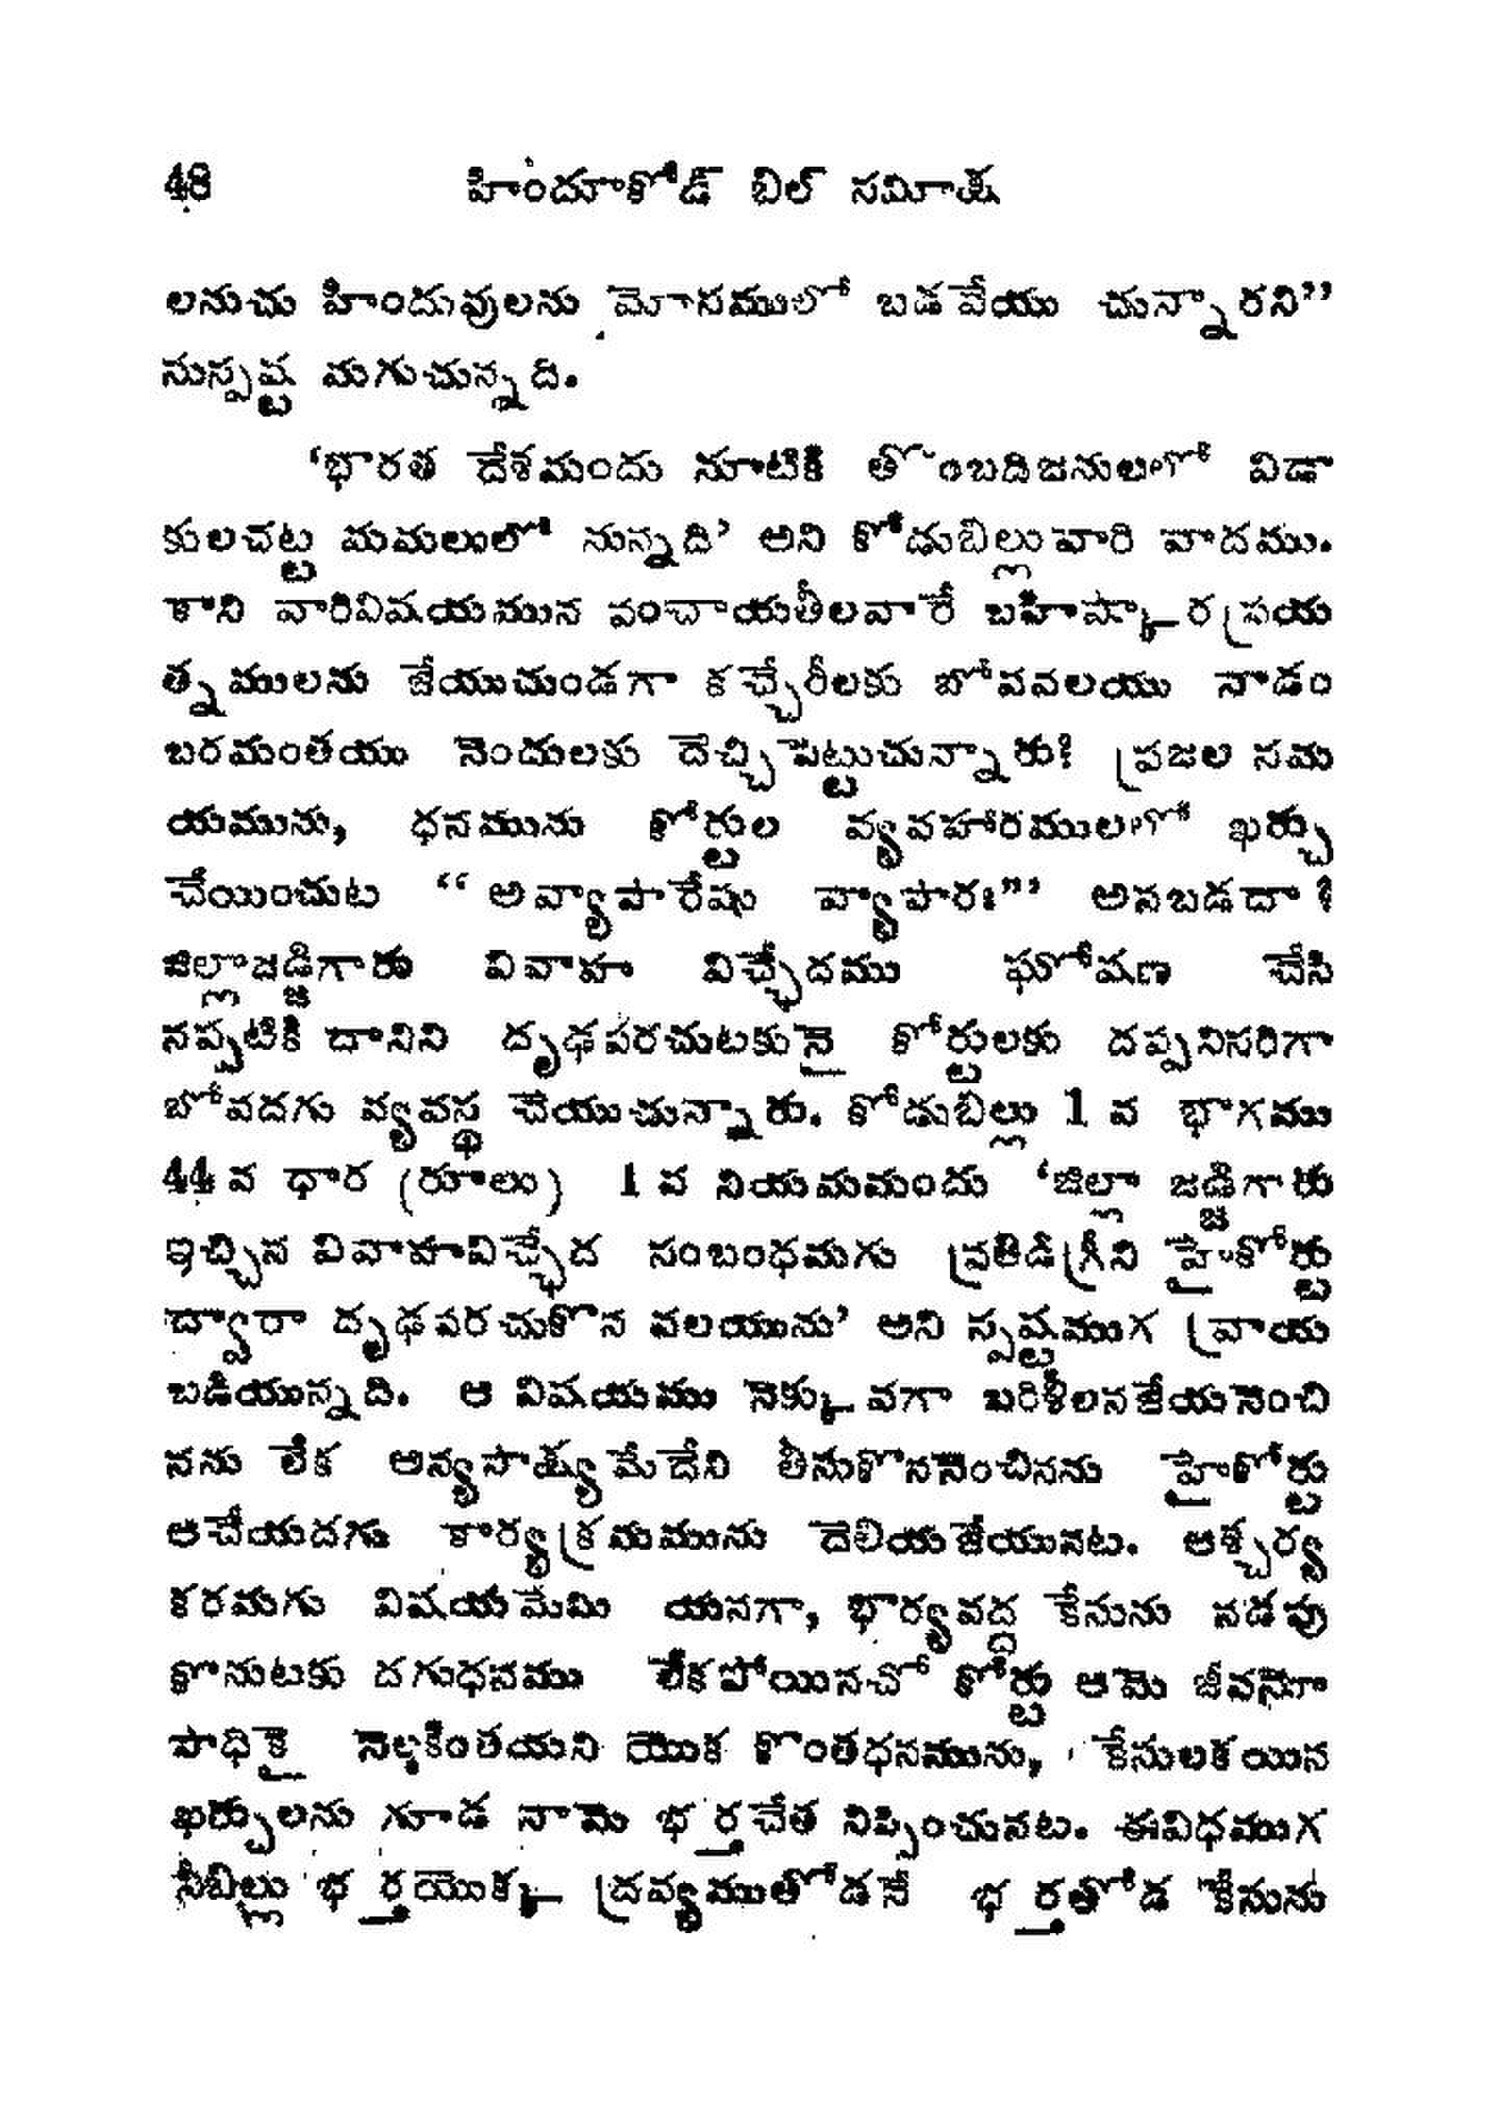లనుచు హిందువులను మోసములో బడవేయు చున్నారని”
సుస్పష్ట మగుచున్నది.

'భారత దేశమందు నూటికి తొంబదిజనులలో విడాకులచట్ట 
మమలులో నున్నది' అని కోడుబిల్లు వారి వాదము.
కాని వారివిషయమున పంచాయతీలవారే బహిష్కార 
ప్రయత్నములను జేయుచుండగా కచ్చేరీలకు బోవవలయు 
నాడంబరమంతయు నెందులకు దెచ్చి పెట్టుచున్నారు? ప్రజల 
సమయమును, ధనమును కోర్టుల వ్యవహారములలో ఖర్చు
చేయించుట "అవ్యాపారేషు వ్యాపారః” అనబడదా?
జిల్లాజడ్జి గారు వివాహ విచ్ఛేదము ఘోషణ చేసి 
నప్పటికి దానిని దృఢపరచుటకునై కోర్టులకు దప్పనిసరిగా
బోవదగు వ్యవస్థ చేయుచున్నారు. కోడుబిల్లు 1వ భాగము
44వ ధార (రూలు) 1వ నియమమందు 'జిల్లా జడ్జిగారు
ఇచ్చిన వివాహవిఛ్ఛేద సంబంధమగు ప్రతిడిక్రీ ని హైకోర్టు
ద్వారా దృఢపరచుకొన వలయును' అని స్పష్టముగ వ్రాయ
బడియున్నది. ఆ విషయము నెక్కువగా బరిశీలన 
జేయనెంచినను లేక అన్యసాక్ష్యమేదేని తీసుకొననెంచినను 
హైకోర్టు ఆ చేయదగు కార్యక్రమమును దెలియజేయునట. 
ఆశ్చర్యకరమగు విషయమేమి యనగా, భార్యవద్ద కేసును నడపు
కొనుటకు దగుధనము లేకపోయినచో కోర్టు ఆమె జీవనోపాధికై 
నెలకింతయని యొక కొంతధనమును, కేసులకయిన
ఖర్చులను గూడ నామె భర్త చేత నిప్పించునట. ఈవిధముగ
నీ బిల్లు భర్త యొక్క ద్రవ్యముతోడనే భర్తతోడ కేసును